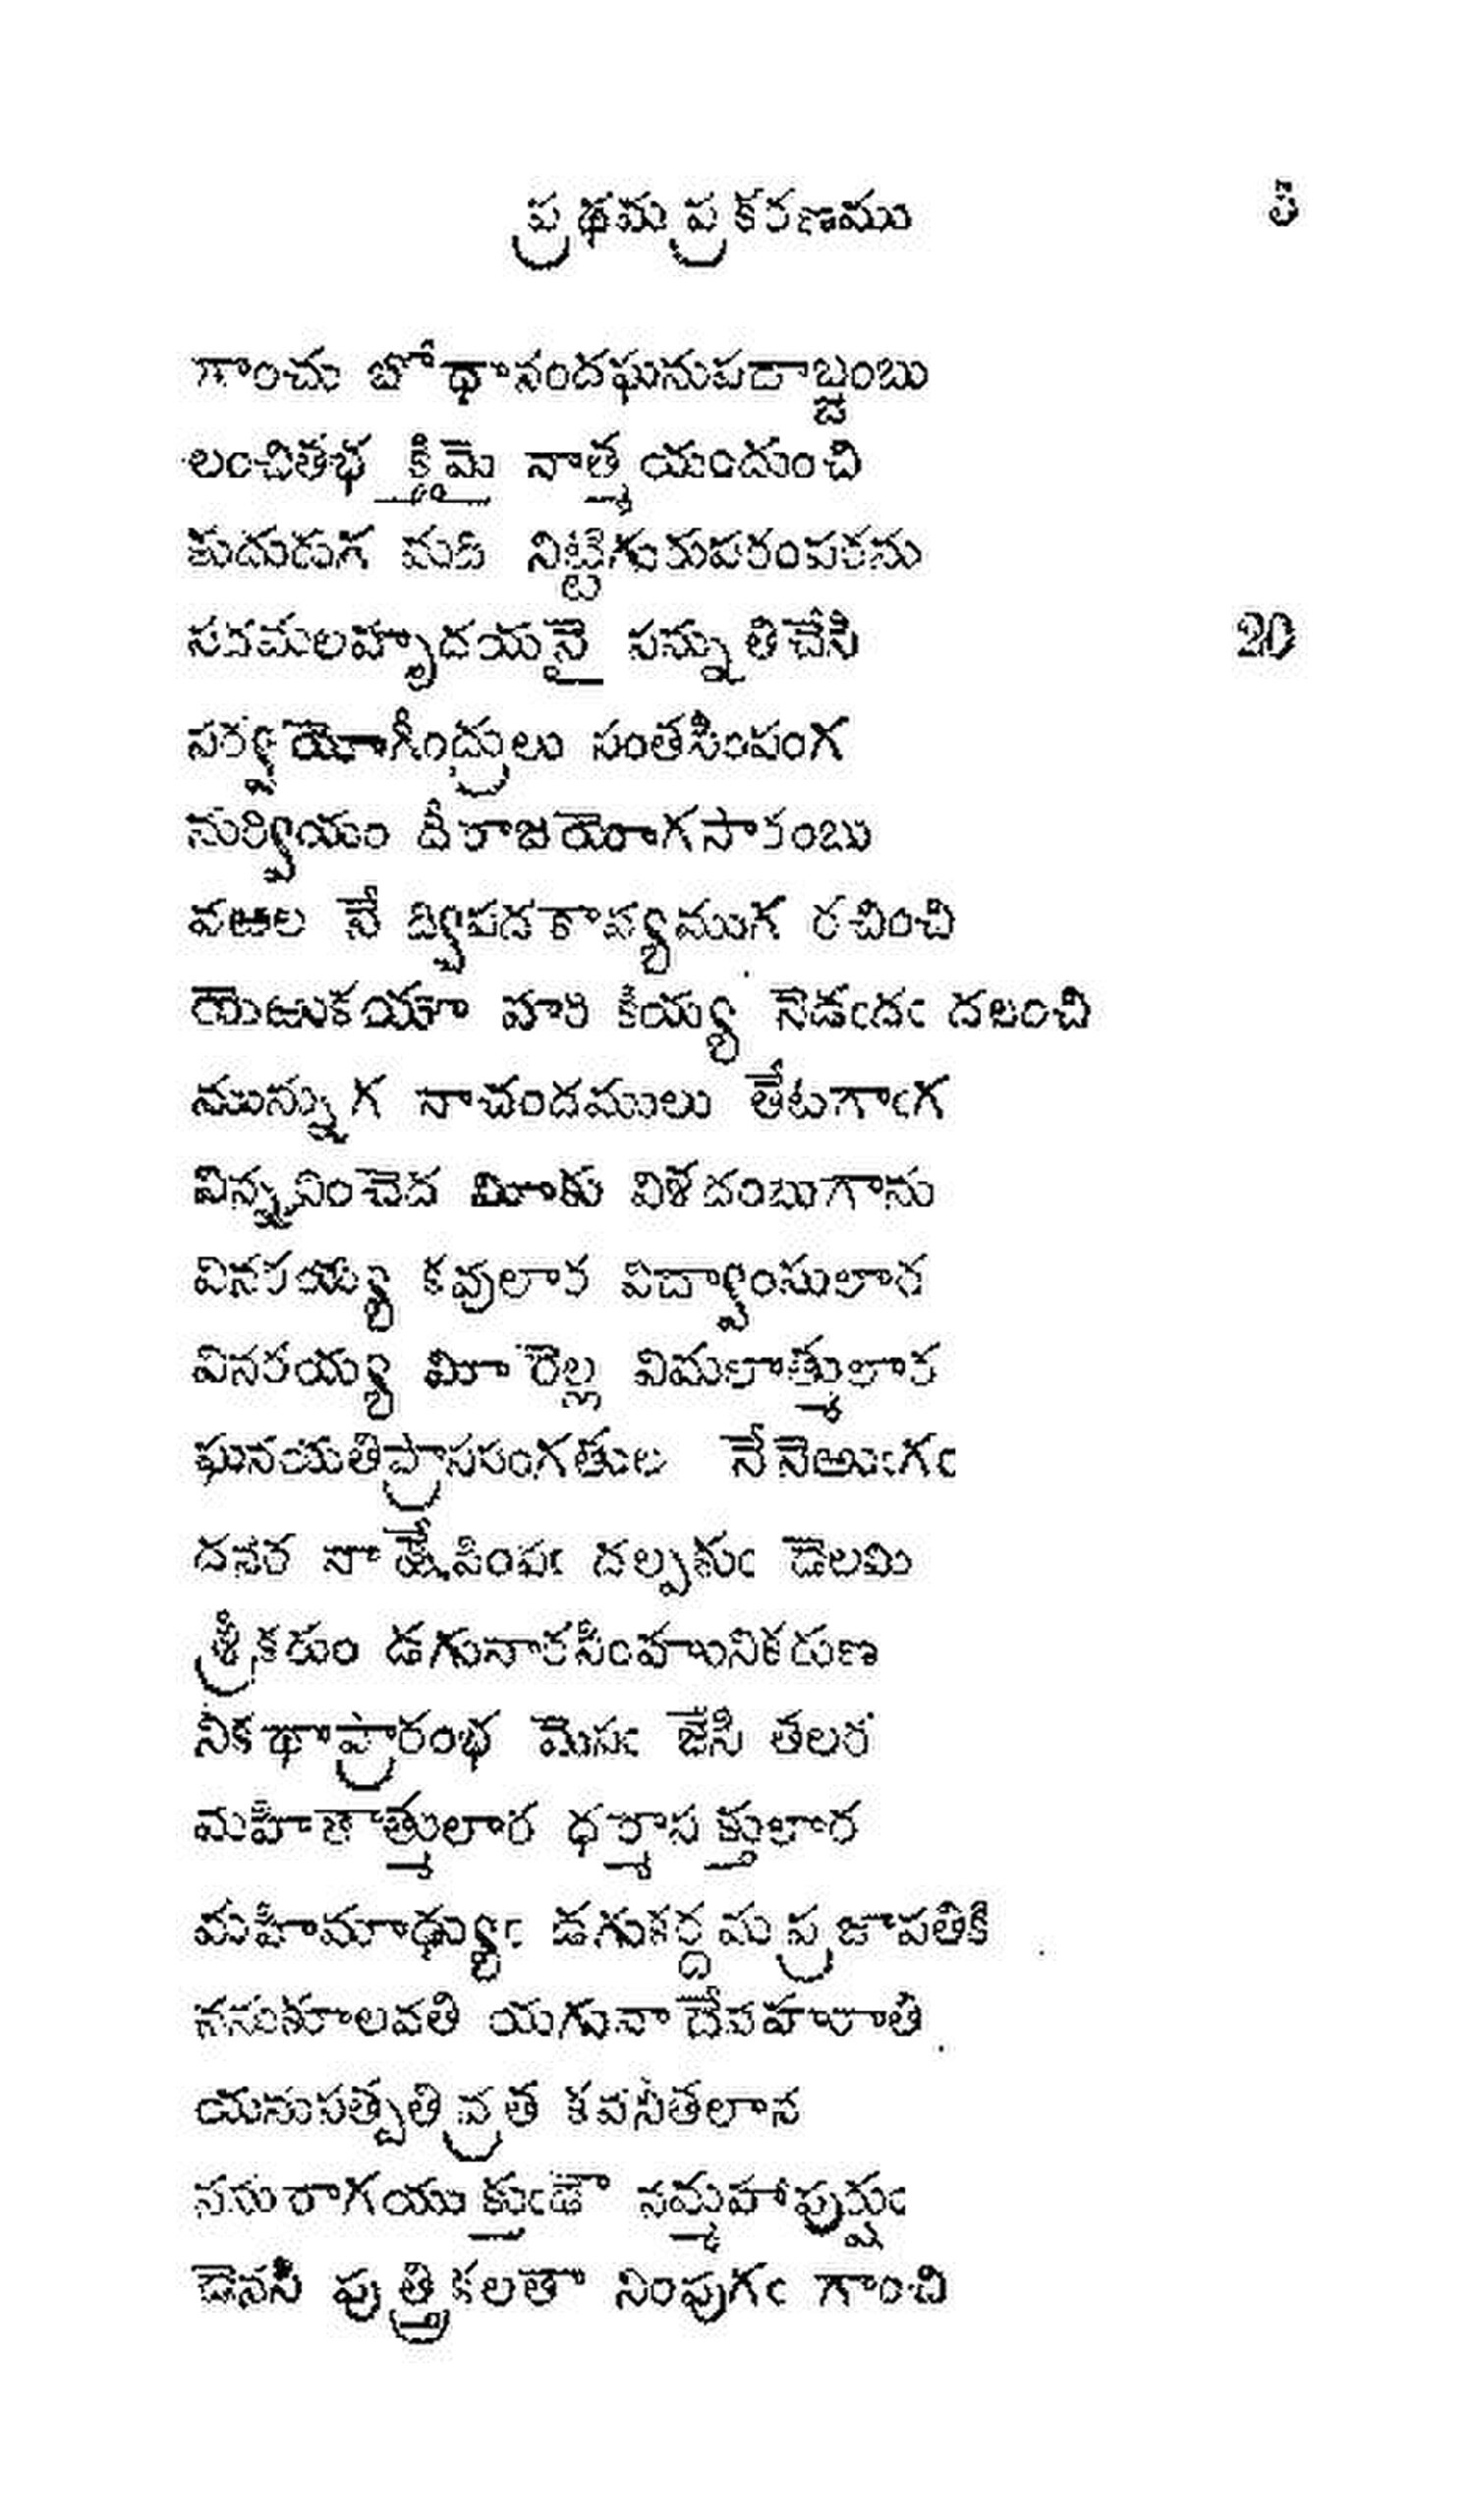గాంచు బోధానందఘనుపదాబ్జంబు
లంచితభక్తిమై నాత్మయందుంచి
కుదురుగ మది నిట్టిగురుపరంపరను
సదమలహృదయనై సన్నుతిచేసి 
సర్వయోగీంద్రులు సంతసింపంగ
నుర్వియం దీరాజయోగసారంబు
వఱల నే ద్విపదకావ్యముగ రచించి
యెఱుకయౌ హరి కియ్య నెడఁదఁ దలంచి
మున్నుగ నాచందములు తేటగాఁగ
విన్నవించెద మీకు విశదంబుగాను
వినరయ్య కవులార విద్వాంసులార
వినరయ్య మీరెల్ల విమలాత్ములార
ఘనయతిప్రాససంగతుల నేనెఱుఁగఁ
దనర నాక్షేపింపఁ దల్పకుఁ డెలమి
శ్రీకరుం డగునారసింహునికరుణ
నీకథాప్రారంభ మెసఁ జేసి తలర 
మహితాత్ములార ధర్మాసక్తులార
మహిమాఢ్యుఁ డగుకర్దమప్రజాపతికి
ననుకూలవతి యగు నాదేవహూతి.
యనుసత్పతివ్రత కవనీతలాన
ననురాగయుక్తుఁడౌ నమ్మహాపుర్షుఁ 
డెనసి పుత్త్రికల తా నింపుగఁ గాంచి